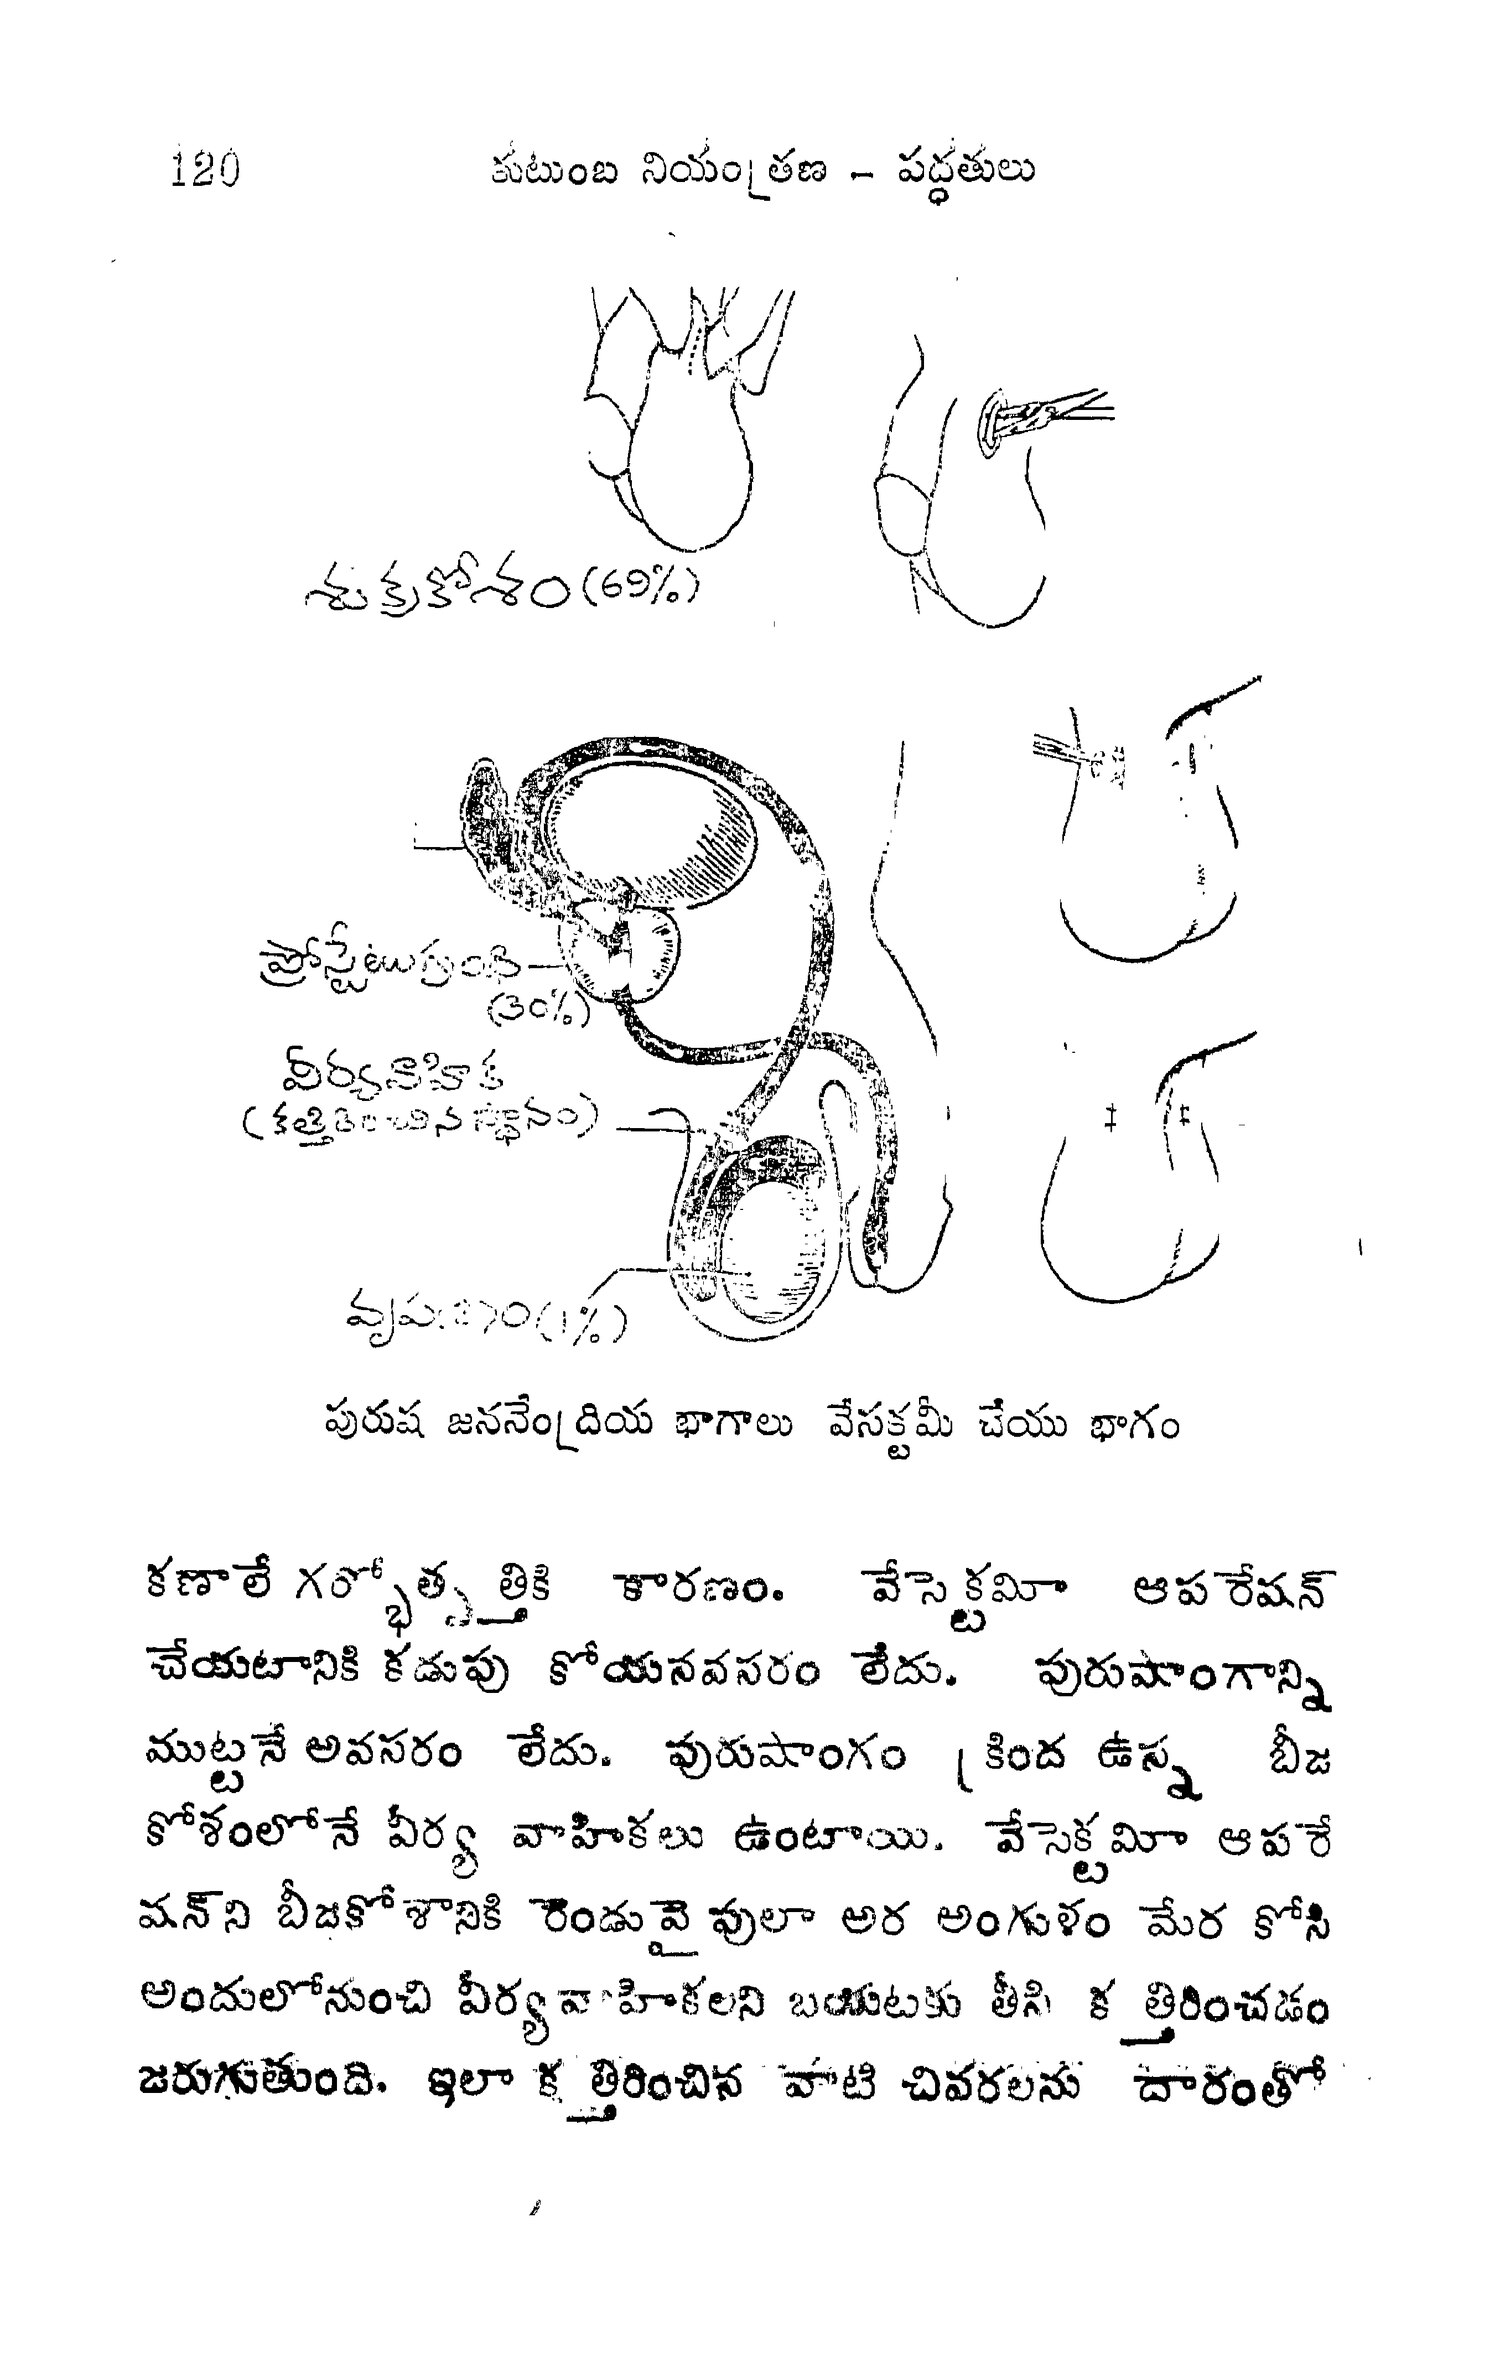కణాలే గర్భోత్పత్తికి కారణం. వేసెక్టమీ ఆపరేషన్ చేయటానికి కడుపు కోయనవసరం లేదు. పురుషాంగాన్ని ముట్టనే అవసరం లేదు. పురుషాంగం క్రింద ఉన్న బీజ కోశంలోనే వీర్య వాహికలు ఉంటాయి. వేసెక్టమీ ఆపరేషన్‌ని బీజకోశానికి రెండువైపులా అర అంగుళం మేర కోసి అందుకోనుంచి వీర్యవాహికలని బయటకు తీసి కత్తిరించడం జరుగుతుంది. ఇలా కత్తిరించిన వాటి చివరలను దారంతో